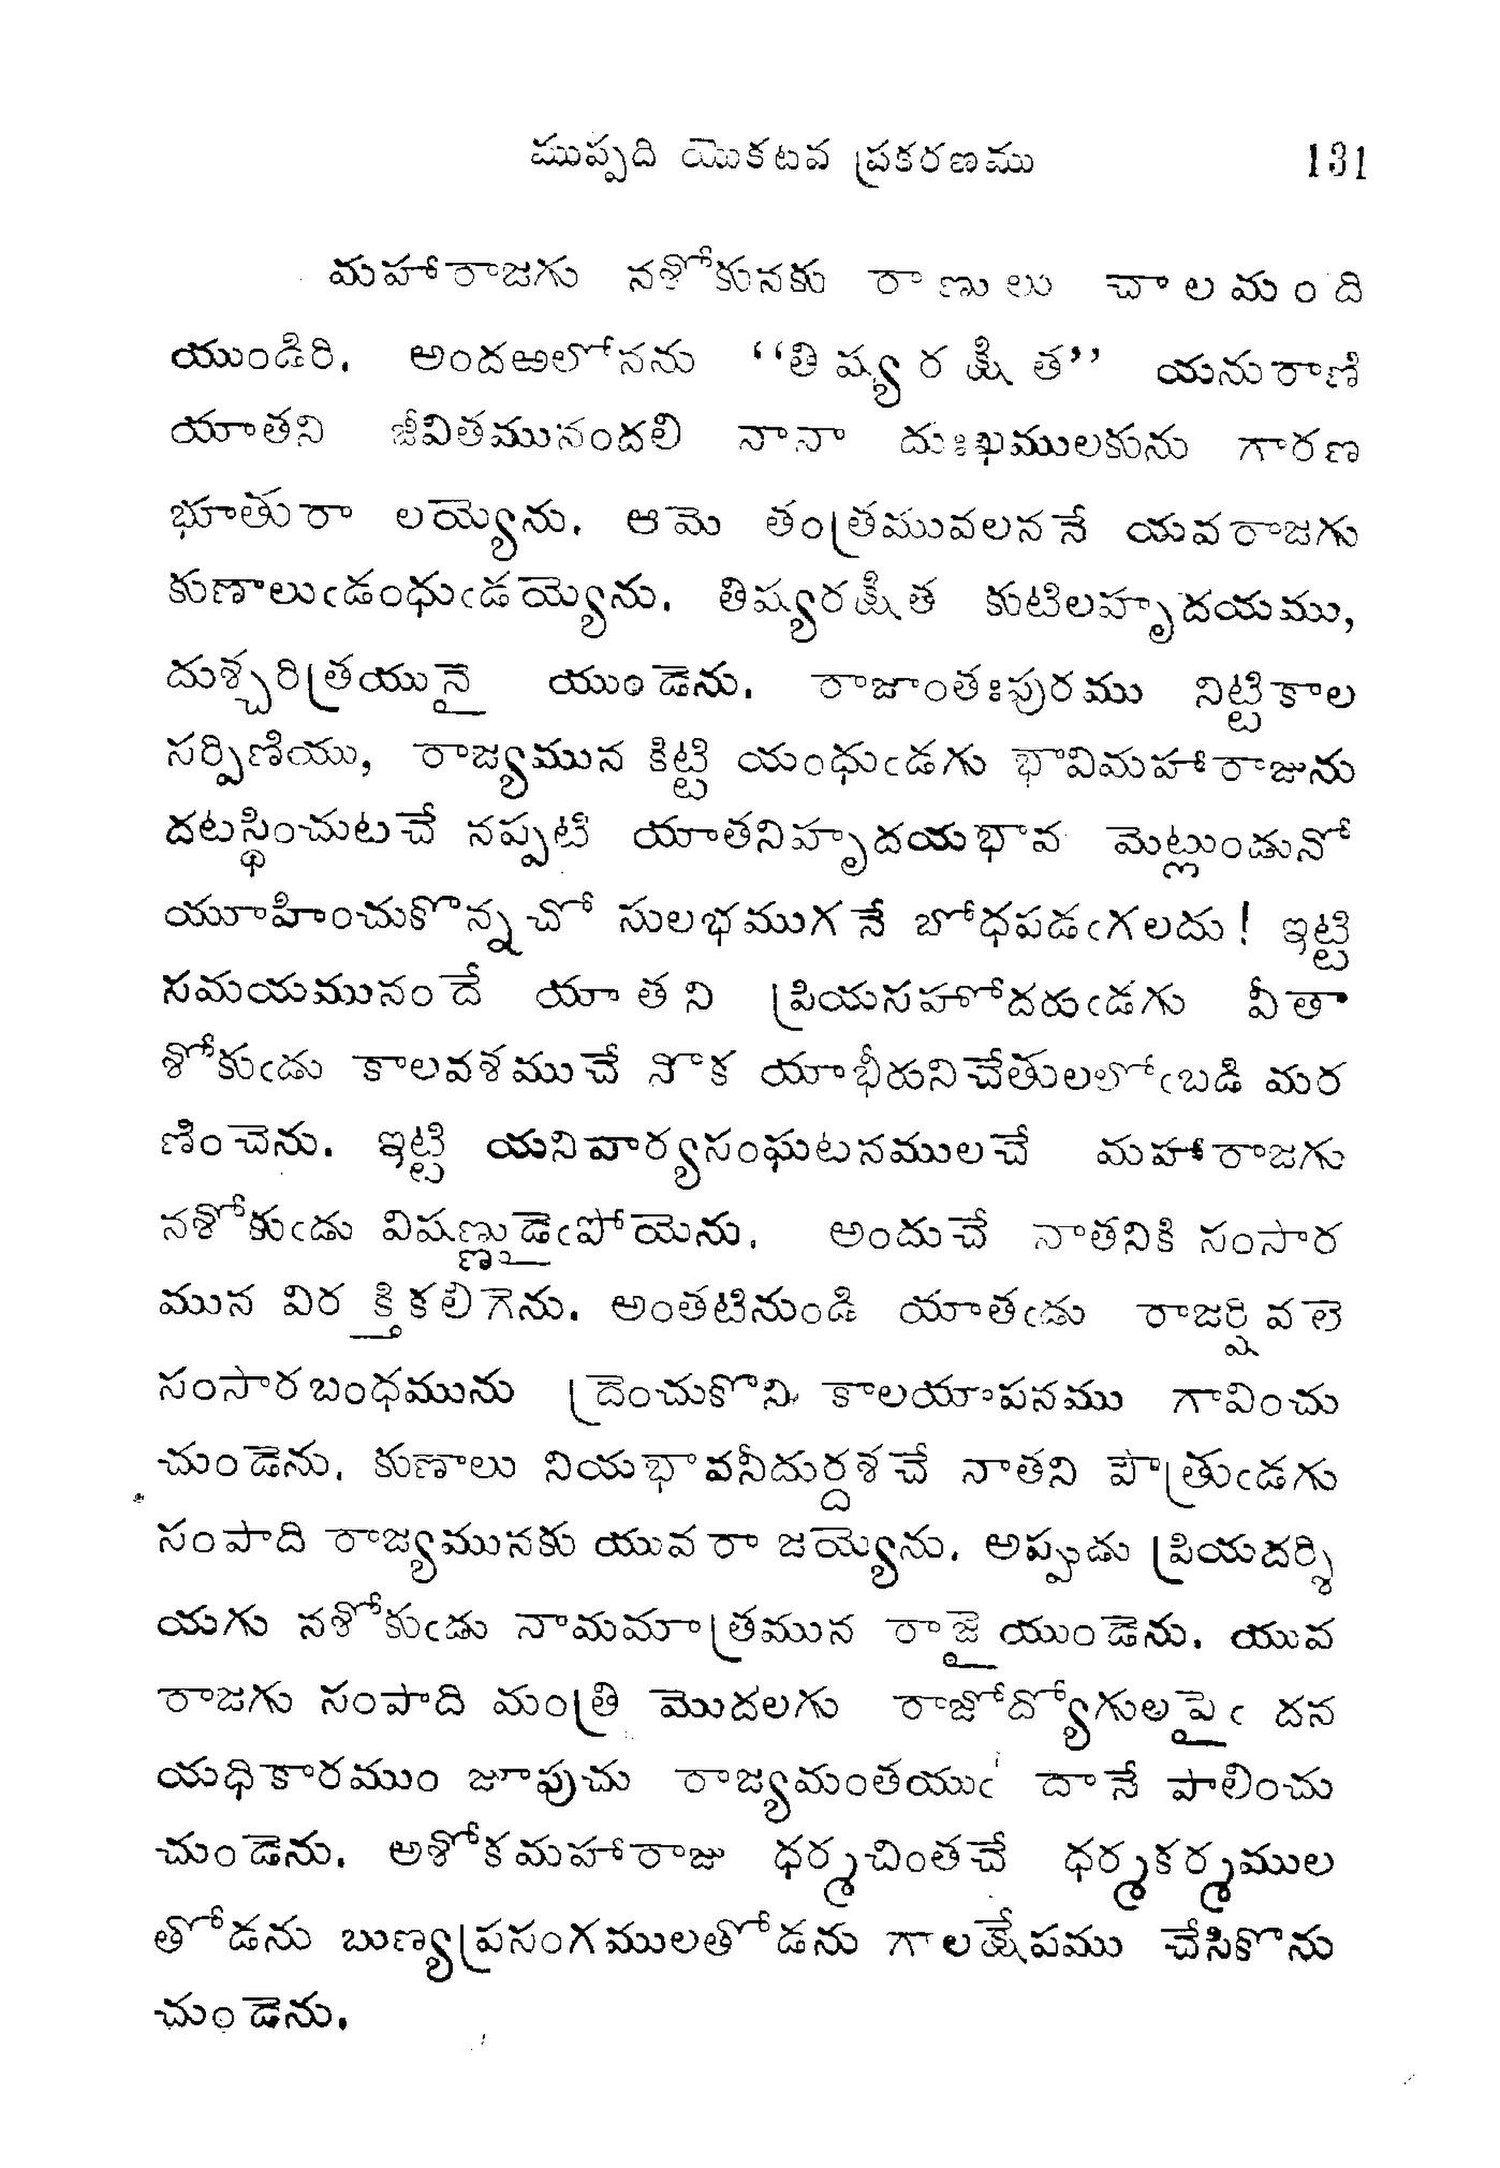మహారాజగు నశోకునకు రాణులు చాలమంది యుండిరి. అందఱలోనను "తిష్యరక్షిత" యను రాణీ యాతని జీవితమునందలి నానా దుఃఖములకును గారణ భూతురా లయ్యెను. ఆమె తంత్రమువలన నే యవరాజగు కుణాలుఁడంధుఁడయ్యెను. తిష్యరక్షిత కుటిల హృదయము,
దుశ్చరిత్రయునై యుండెను. రాజాంతఃపురము నిట్టి కాల సర్పిడియు, రాజ్యమున కిట్టి యంధుఁడగు భావిమహా రాజును దటస్థించుట చే నప్పటి యాతని హృదయభావ మెట్లుండునో
యూహించుకొన్నచో సులభముగ నే బోధపడఁగలదు ! ఇట్టి సమయమునందే యాతని ప్రియసహోదరుఁడగు వీతాశోకుఁడు కాలవశము చే నోక యాభీరుని చేతులలోఁబడి మర
ణించెను. ఇట్టి యని వార్యసంఘటనములచే మహా రాజగు నశోకుఁడు విషణ్ణు డైఁపోయెను. అందుచే నాతనికి సంసారమున విరక్తి కలిగెను. అంతటినుండి యాతఁడు రాజర్షి వలె
సంసార బంధమును ద్రెంచుకోని, కాలయాపనము గావించు చుండెను. కుణాలు నియ భావనీదుర్దశ చే నాతని పౌత్రుఁడగు సంపాది రాజ్యమునకు యువ రాజయ్యెను. అప్పుడు ప్రియదర్శియగు నశోకుఁడు నామమాత్రమున రాజై యుండెను. యువరాజగు సంపాది మంత్రి మొదలగు రాజోద్యోగుల పైఁ దన యధికారముం జూపుచు రాజ్యమంతయుఁ దా నే పాలించు
చుండెను. అశోకమహా రాజు ధర్మచింతచే ధర్మకర్మముల తోడను బుణ్య ప్రసంగములతోడను గాలక్షేపము చేసికొనుచుండెను.